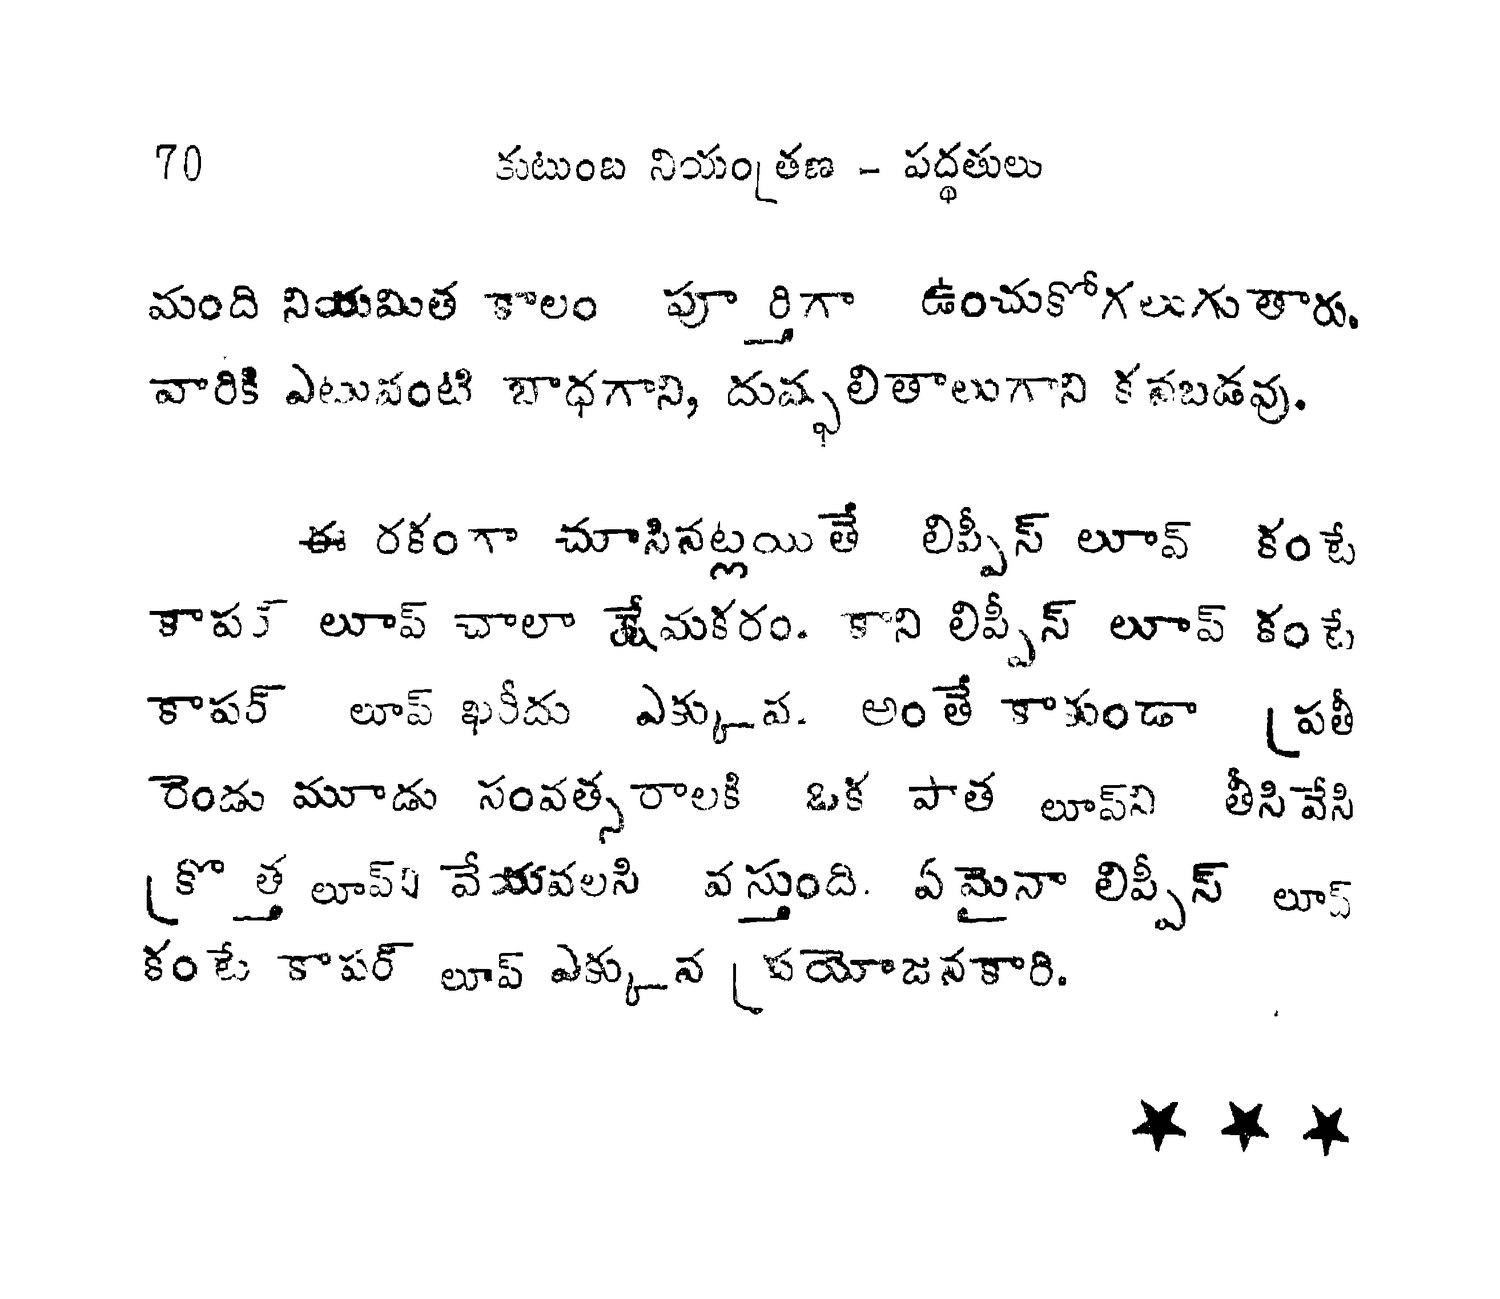మంది నియమిత కాలం పూర్తిగా ఉంచుకోగలుగుతారు. వారికి ఎటువంటి బాధగాని, దుష్పలితాలుగాని కనబడవు.

ఈ రకంగా చూసినట్లయితే లిప్పీస్ లూప్ కంటే కాపర్ లూప్ చాలా క్షేమకరం. కాని లిప్పీస్ లూప్ కంటే కాపర్ లూప్ ఖరీదు ఎక్కువ. అంతే కాకుండా ప్రతీ రెండు మూడు సంవత్సరాలకి ఒక పాత లూప్ ని తీసివేసి క్రొత్త లూప్ ని వేయవలసి వస్తుంది ఏమైనా లిప్పీస్ లూప్ కంటే కాపర్ లూప్ ఎక్కువ ప్రయోజనకారి.

* * *